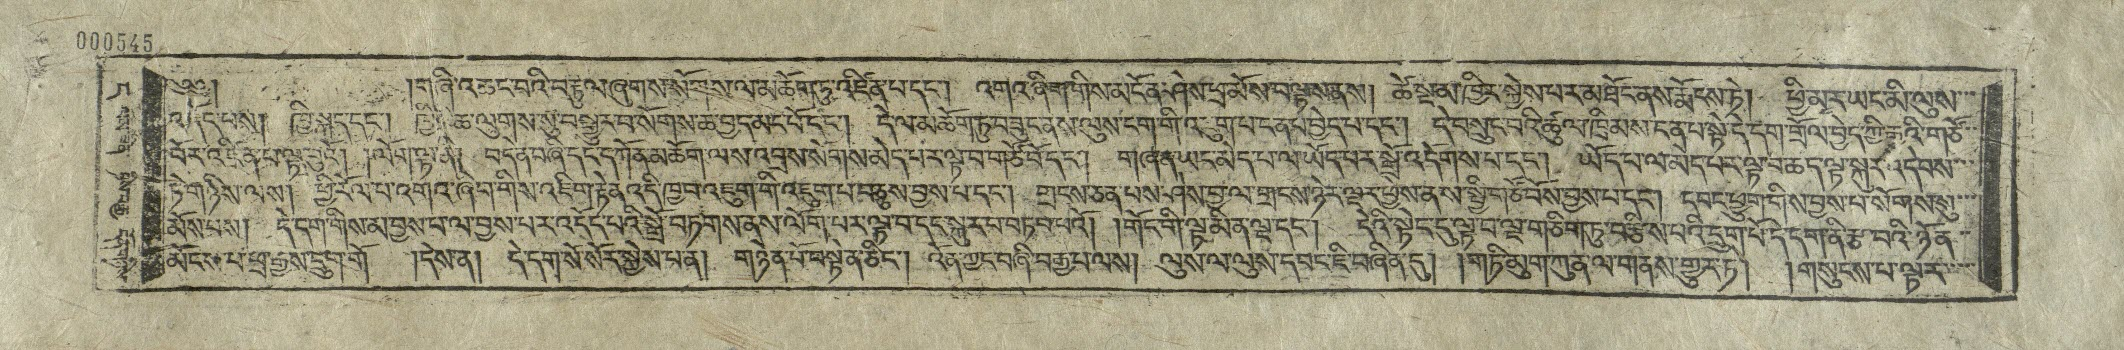༄༅། །གཞི་འཆང་བའི་བརྟུལ་ཞུགས་སོགས་ལ་མཆོག་ཏུ་འཛིན་པ་དང་། འགའ་ཞིག་གིས་མངོན་ཤེས་ཕྲ་མོས་བལྟས་ནས། ཚེ་སྔ་མ་ཁྱིར་སྐྱེས་པར་མཐོང་ནས་རྨོངས་ཏེ། ཕྱི་མར་ཡང་མི་ལུས་
འདོད་པས། ཁྱི་སྐད་དང་། ཁྱིའི་ཆ་ལུགས་སུ་བསྒྱུར་བ་སོགས་ཆ་བྱད་མང་པོ་དང་། དེ་ལ་མཆོག་ཏུ་བཟུང་ནས་ལུས་ངག་གི་འཇུག་པ་ངན་པ་བྱེད་པ་དང་། དེ་བསྲུང་བའི་ཚུལ་ཁྲིམས་ངན་པ་སྟེ་དེ་དག་གྲོལ་བྱེད་ཀྱི་རྒྱུའི་གཙོ་
བོར་འཛིན་པ་ལྟ་བུའོ། །ལོག་ལྟ་ནི། བདེན་བཞི་དང་དཀོན་མཆོག་ལས་འབྲས་སོགས་མེད་པར་ལྟ་བ་གཙོ་བོ་དང་། གཞན་ཡང་མེད་པ་ལ་ཡོད་པར་སྒྲོ་འདོགས་པ་དང་། ཡོད་པ་ལ་མེད་པར་ལྟ་བ་ཆད་ལྟ་སྐུར་འདེབས་
ཏེ་གཉིས་ལས། ཕྱི་རོལ་པ་འགའ་ཞིག་གིས་འཇིག་རྟེན་འདི་ཁྱབ་འཇུག་གི་འཇུག་པ་བཅུས་བྱས་པ་དང་། གྲངས་ཅན་པས་ཤེས་བྱ་ལ་གྲངས་ཉེར་ལྔར་ཕྱེས་ནས་སྤྱི་གཙོ་བོས་བྱས་པ་དང་། དབང་ཕྱུག་གིས་བྱས་པ་སོགས་སུ་
མོས་པས། དེ་དག་གིས་མ་བྱས་པ་ལ་བྱས་པར་འདོད་པའི་སྒྲོ་བཏགས་ནས་ལོག་པར་ལྟ་བ་དང་སྐུར་བ་བཏབ་པའོ། །གོང་གི་ལྟ་མིན་ལྔ་དང་། དེའི་སྟེང་དུ་ལྟ་བ་ལྔ་གཅིག་ཏུ་བརྩིས་པའི་དྲུག་པོ་དེ་དག་ནི་རྩ་བའི་ཉོན་
མོངས་པ་ཕྲ་རྒྱས་དྲུག་གོ །དེས་ན། དེ་དག་སོ་སོར་སྐྱེས་པ་ན། གཉེན་པོ་བསྟེན་ཅིང་། འོན་ཀྱང་བཞི་བརྒྱ་པ་ལས། ལུས་ལ་ལུས་དབང་ཇི་བཞིན་དུ། །གཏི་མུག་ཀུན་ལ་གནས་གྱུར་ཏེ། །གསུངས་པ་ལྟར་